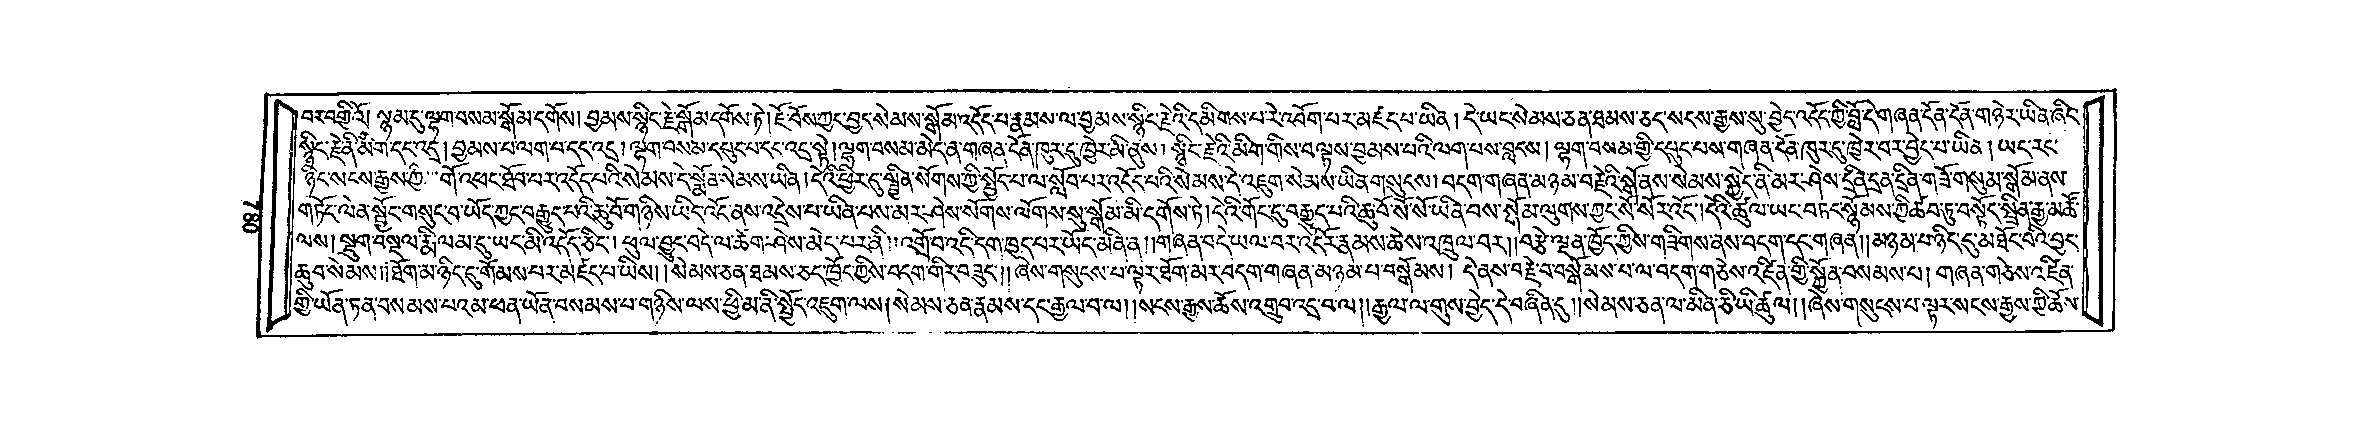བར་བགྱིའོ། སྙམ་དུ་ལྷག་བསམ་སྒོམ་དགོས། བྱམས་སྙིང་རྗེ་སྒོམ་དགོས་ཏེ། ཇོ་བོས་ཀྱང་བྱང་སེམས་སྒོམ་འདོད་པ་རྣམས་ལ་བྱམས་སྙིང་རྗེའི་དམིགས་པ་རེ་འབོག་པར་མཛད་པ་ཡིན། དེ་ཡང་སེམས་ཅན་ཐམས་ཅད་སངས་རྒྱས་སུ་བྱེད་འདོད་ཀྱི་བློ་དེ་གཞན་དོན་དོན་གཉེར་ཡིན་ཞིང་
སྙིང་རྗེ་ནི་མིག་དང་འདྲ། བྱམས་པ་ལག་པ་དང་འདྲ། ལྷག་བསམ་དཔུང་པ་དང་འདྲ་སྟེ། ལྷག་བསམ་མེད་ན་གཞན་དོན་ཁུར་དུ་ཁྱེར་མི་ནུས། སྙིང་རྗེའི་མིག་གིས་བལྟས་བྱམས་པའི་ལག་པས་བླངས། ལྷག་བསམ་གྱི་དཔུང་པས་གཞན་དོན་ཁུར་དུ་ཁྱེར་བར་བྱེད་པ་ཡིན། ཡང་རང་
ཉིད་སངས་རྒྱས་ཀྱི་གོ་འཕང་ཐོབ་པར་འདོད་པའི་སེམས་དེ་སྨོན་སེམས་ཡིན། དེའི་ཕྱིར་དུ་སྦྱིན་སོགས་ཀྱི་སྤྱོད་པ་ལ་སློབ་པར་འདོད་པའི་སེམས་དེ་འཇུག་སེམས་ཡིན་གསུངས། བདག་གཞན་མཉམ་བརྗེའི་སྒོ་ནས་སེམས་བསྐྱེད་ནི་མར་ཤེས་དྲིན་དྲན་དྲིན་གཟོ་གསུམ་སྒོམ་ནས་
གཏོང་ལེན་སྦྱོང་གསུང་བ་ཡོད་ཀྱང་བརྒྱུད་པའི་ཆུ་བོ་གཉིས་ཡིད་འོང་ནས་འདྲེས་པ་ཡིན་པས་མར་ཤེས་སོགས་ལོགས་སུ་སྒོམ་མི་དགོས་ཏེ། དེའི་གོང་དུ་བརྒྱུད་པའི་ཆུ་བོ་སོ་སོ་ཡིན་པས་སྒོམ་ལུགས་ཀྱང་སོ་སོར་འོད། དེའི་ཚུལ་ཡང་བཏང་སྙོམས་ཀྱི་ཚབ་ཏུ་བསྟོད་སྤྲིན་རྒྱ་མཚོ་
ལས། སྡུག་བསྔལ་རྨི་ལམ་དུ་ཡང་མི་འདོད་ཅིང་། ཕུལ་བྱུང་བདེ་ལ་ཆོག་ཤེས་མེད་པར་ནི། །འགྲོ་བ་འདི་དག་ཁྱད་པར་ཡོད་མིན་ན། །གཞན་བདེ་ཡལ་བར་འདོར་རྣམས་ཆེས་འཁྲུལ་བར། །བརྩེ་ལྡན་ཁྱོད་ཀྱིས་གཟིགས་ནས་བདག་དང་གཞན། །མཉམ་པ་ཉིད་དུ་མཐོང་བའི་བྱང་
ཆུབ་སེམས། །ཐོག་མ་ཉིད་དུ་གོམས་པར་མཛད་པ་ཡིས། །སེམས་ཅན་ཐམས་ཅད་ཁྱོད་ཀྱིས་བདག་གིར་བཟུང་། །ཞེས་གསུངས་པ་ལྟར་ཐོག་མར་བདག་གཞན་མཉམ་པ་བསྒོམས། དེ་ནས་བརྗེ་བ་བསྒོམས་པ་ལ་བདག་གཅེས་འཛིན་གྱི་སྐྱོན་བསམས་པ། གཞན་གཅེས་འཛིན་
གྱི་ཡོན་ཏན་བསམས་པའམ་ཕན་ཡོན་བསམས་པ་གཉིས་ལས་ཕྱི་མ་ནི་སྤྱོད་འཇུག་ལས། སེམས་ཅན་རྣམས་དང་རྒྱལ་བ་ལ། །སངས་རྒྱས་ཆོས་འགྲུབ་འདྲ་བ་ལ། །རྒྱལ་ལ་གུས་བྱེད་དེ་བཞིན་དུ། །སེམས་ཅན་ལ་མིན་ཅི་ཡི་ཚུལ། །ཞེས་གསུངས་པ་ལྟར་སངས་རྒྱས་ཀྱི་ཆོས་